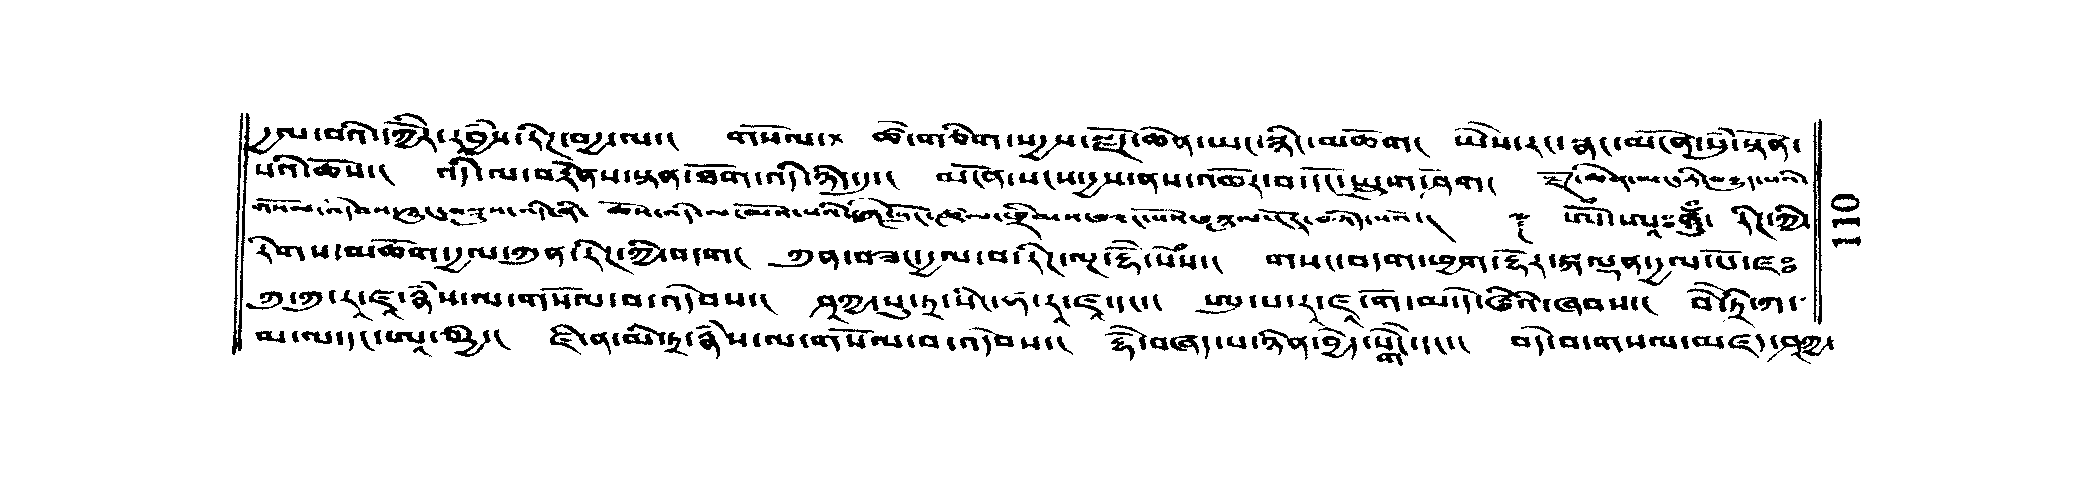།རྒྱལ་བའི་དཀྱིལ་འཁོར་རབ་འབྱམས་རིགས་བརྒྱ་ལ། །གསོལ༴ །ཚེ་གཅིག་སངས་རྒྱས་རྫོགས་ཆེན་ཡང་སྙིང་མཆོག །ཡེ་ཤེས་རང་སྣང་མངོན་སུམ་སྟོན་
པའི་ཆོས། །འདི་ལ་བརྟེན་ནས་སྟན་ཐོག་འདི་ཉིད་དུ། །མངོན་སངས་རྒྱས་ནས་འཁོར་བ་དོང་སྤྲུགས་ཤོག རྫོགས་ཆེན་ཡང་ཏི་བརྒྱུད་པའི་
གསོལ་འདེབས་ཉུང་བསྡུས་འདི་ནི། ཆོས་འདི་ལ་མོས་པའི་དགེ་སློང་ཚུལ་ཁྲིམས་བཟང་པོས་བསྐུལ་ངོར་བཀོད་པའོ།། ༈ ཨོཾ་ཨཱཿཧཱུྃ། རིགས་ཀྱི་
རིགས་མཆོག་རྒྱལ་ཀུན་རིགས་ཀྱི་བདག །ཀུན་བཟང་རྒྱལ་བ་རིགས་ལྔ་རྡོ་རྗེ་སེམས། །གསང་བདག་ཕྱག་རྡོར་སྐལ་ལྡན་རྒྱལ་པོ་ཛཿ །
ཀུ་ཀུ་རཱ་ཛཱ་རྣམས་ལ་གསོལ་བ་འདེབས། །ཤཱཀྱ་པུ་ཏྲ་སིང་ཧ་རཱ་ཛཱ་དང་། །ཨུ་པ་རཱ་ཛཱ་གོ་མ་དེ་ཝིའི་ཞབས། །བཻ་ཏྲི་ཀ་
མ་ལ་དང་ཨཱ་ཙརྻ། །ཛི་ན་མི་ཏྲ་རྣམས་ལ་གསོལ་བ་འདེབས། །རྡོ་རྗེ་བཞད་པ་ཉིན་བྱེད་སེངྒེ་དང་། །བདེ་བ་གསལ་མཛད་ཤཱཀྱ་